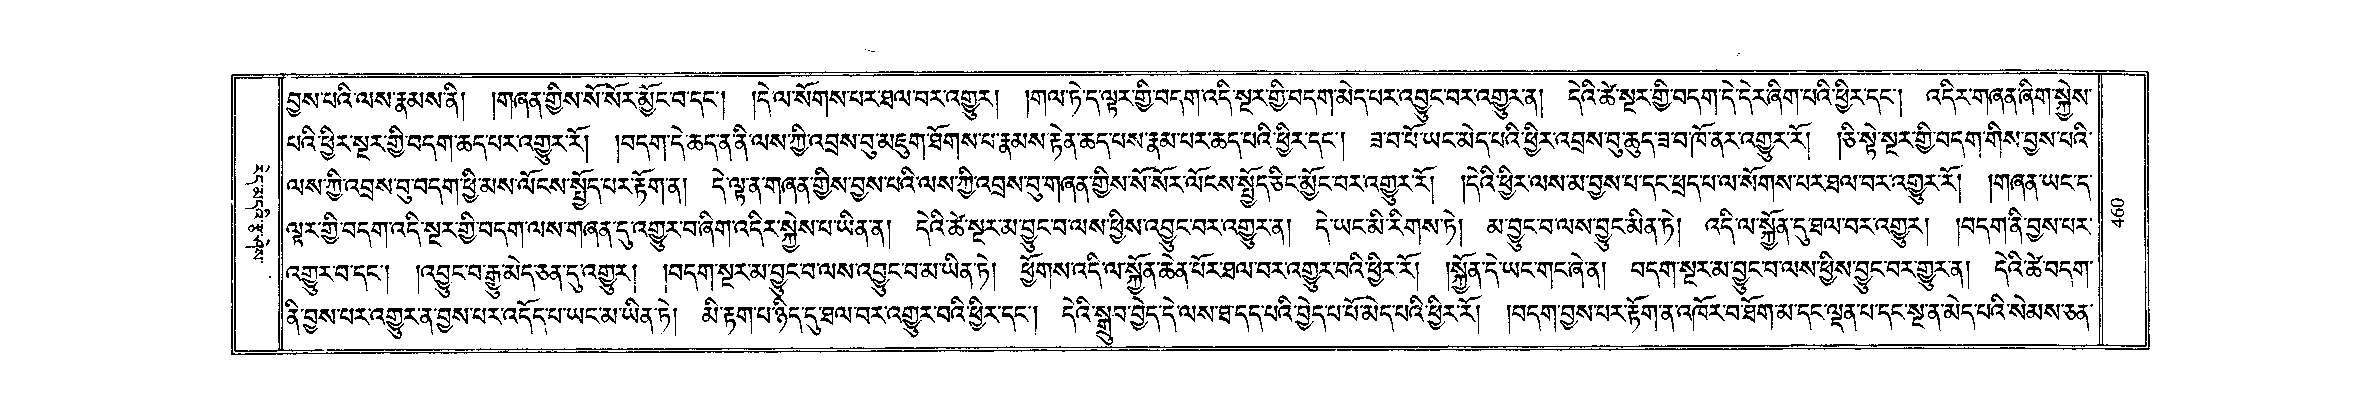བྱས་པའི་ལས་རྣམས་ནི། །གཞན་གྱིས་སོ་སོར་མྱོང་བ་དང་། །དེ་ལ་སོགས་པར་ཐལ་བར་འགྱུར། །གལ་ཏེ་ད་ལྟར་གྱི་བདག་འདི་སྔར་གྱི་བདག་མེད་པར་འབྱུང་བར་འགྱུར་ན། དེའི་ཚེ་སྔར་གྱི་བདག་དེ་དེར་ཞིག་པའི་ཕྱིར་དང་། འདིར་གཞན་ཞིག་སྐྱེས་
པའི་ཕྱིར་སྔར་གྱི་བདག་ཆད་པར་འགྱུར་རོ། །བདག་དེ་ཆད་ན་ནི་ལས་ཀྱི་འབྲས་བུ་མཇུག་ཐོགས་པ་རྣམས་རྟེན་ཆད་པས་རྣམ་པར་ཆད་པའི་ཕྱིར་དང་། ཟ་བ་པོ་ཡང་མེད་པའི་ཕྱིར་འབྲས་བུ་ཆུད་ཟ་བ་ཁོ་ནར་འགྱུར་རོ། །ཅི་སྟེ་སྔར་གྱི་བདག་གིས་བྱས་པའི་
ལས་ཀྱི་འབྲས་བུ་བདག་ཕྱི་མས་ལོངས་སྤྱོད་པར་རྟོག་ན། དེ་ལྟ་ན་གཞན་གྱིས་བྱས་པའི་ལས་ཀྱི་འབྲས་བུ་གཞན་གྱིས་སོ་སོར་ལོངས་སྤྱོད་ཅིང་མྱོང་བར་འགྱུར་རོ། །དེའི་ཕྱིར་ལས་མ་བྱས་པ་དང་ཕྲད་པ་ལ་སོགས་པར་ཐལ་བར་འགྱུར་རོ། །གཞན་ཡང་ད་
ལྟར་གྱི་བདག་འདི་སྔར་གྱི་བདག་ལས་གཞན་དུ་འགྱུར་བ་ཞིག་འདིར་སྐྱེས་པ་ཡིན་ན། དེའི་ཚེ་སྔར་མ་བྱུང་བ་ལས་ཕྱིས་འབྱུང་བར་འགྱུར་ན། དེ་ཡང་མི་རིགས་ཏེ། མ་བྱུང་བ་ལས་བྱུང་མིན་ཏེ། འདི་ལ་སྐྱོན་དུ་ཐལ་བར་འགྱུར། །བདག་ནི་བྱས་པར་
འགྱུར་བ་དང་། །འབྱུང་བ་རྒྱུ་མེད་ཅན་དུ་འགྱུར། །བདག་སྔར་མ་བྱུང་བ་ལས་འབྱུང་བ་མ་ཡིན་ཏེ། ཕྱོགས་འདི་ལ་སྐྱོན་ཆེན་པོར་ཐལ་བར་འགྱུར་བའི་ཕྱིར་རོ། །སྐྱོན་དེ་ཡང་གང་ཞེ་ན། བདག་སྔར་མ་བྱུང་བ་ལས་ཕྱིས་བྱུང་བར་གྱུར་ན། དེའི་ཚེ་བདག་
ནི་བྱས་པར་འགྱུར་ན་བྱས་པར་འདོད་པ་ཡང་མ་ཡིན་ཏེ། མི་རྟག་པ་ཉིད་དུ་ཐལ་བར་འགྱུར་བའི་ཕྱིར་དང་། དེའི་སྒྲུབ་བྱེད་དེ་ལས་ཐ་དད་པའི་བྱེད་པ་པོ་མེད་པའི་ཕྱིར་རོ། །བདག་བྱས་པར་རྟོག་ན་འཁོར་བ་ཐོག་མ་དང་ལྡན་པ་དང་སྔ་ན་མེད་པའི་སེམས་ཅན་